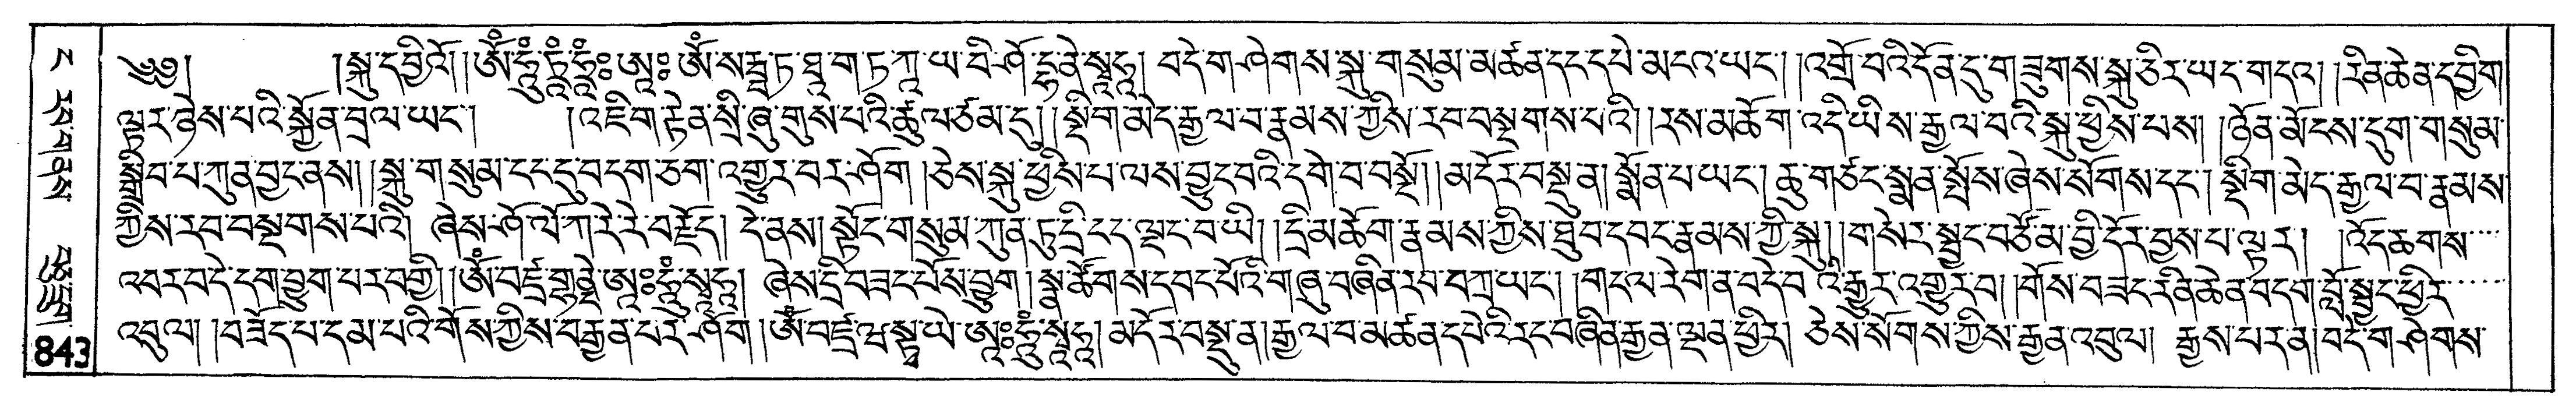༄༅། །སྐུ་དབྱིའོ། །ཨོཾ་ཧཱུཾ་ཏྲཱཾ་ཧྲཱཾཿ ཨཱཿ ཨོཾ་སརྦྦ་ཏ་ཐཱ་ག་ཏ་ཀཱ་ཡ་བི་ཤོ་དྷ་ནེ་སྭཱཧཱ། བདེ་གཤེགས་སྐུ་གསུམ་མཚན་དང་དཔེ་མངའ་ཡང་། །འགྲོ་བའི་དོན་དུ་གཟུགས་སྐུ་ཅིར་ཡང་གདའ། །རིན་ཆེན་དབྱིག་
ལྟར་ཉེས་པའི་སྐྱོན་བྲལ་ཡང་། །འཇིག་རྟེན་སྲི་ཞུ་གུས་པའི་ཚུལ་ཙམ་དུ། །སྡིག་མེད་རྒྱལ་བ་རྣམས་ཀྱིས་རབ་བསྔགས་པའི། །རས་མཆོག་འདི་ཡིས་རྒྱལ་བའི་སྐུ་ཕྱིས་པས། །ཉོན་མོངས་དུག་གསུམ་
སྒྲིབ་པ་ཀུན་བྱང་ནས། །སྐུ་གསུམ་ངང་དུ་བདག་ཅག་འགྱུར་བར་ཤོག །ཅེས་སྐུ་ཕྱིས་པ་ལས་བྱུང་བའི་དགེ་བ་བསྔོ། །མདོར་བསྡུ་ན། སྨོན་པ་ཡང་། ཆུ་གཙང་སྨན་སྤོས་ཞེས་སོགས་དང་། སྡིག་མེད་རྒྱལ་བ་རྣམས་
ཀྱིས་རབ་བསྔགས་པའི། ཞེས་ཤོ་ལོ་ཀ་རེ་རེ་བརྗོད། དེ་ནས། སྟོང་གསུམ་ཀུན་ཏུ་དྲི་ངད་ལྡང་བ་ཡི། །དྲི་མཆོག་རྣམས་ཀྱིས་ཐུབ་དབང་རྣམས་ཀྱི་སྐུ། །གསེར་སྦྱང་བཙོ་མ་བྱི་དོར་བྱས་པ་ལྟར། །འོད་ཆགས་
འབར་བ་དེ་དག་བྱུག་པར་བགྱི། །ཨོཾ་བཛྲ་གྷནྡེ་ཨཱཿ ཧཱུཾ་སྭཱཧཱ། ཞེས་དྲི་བཟང་པོས་བྱུག །སྣ་ཚོགས་དབང་པོའི་གཞུ་བཞིན་རབ་བཀྲ་ཡང་། །གང་ལ་རེག་ན་བདེ་བའི་རྒྱུར་འགྱུར་བ། །གོས་བཟང་རིན་ཆེན་བདག་བློ་སྦྱང་ཕྱིར་
འབུལ། །བཟོད་པ་དམ་པའི་གོས་ཀྱིས་བརྒྱན་པར་ཤོག །ཨོཾ་བཛྲ་ཝ་སྟྭ་ཡེ་ཨཱཿ ཧཱུཾ་སྭཱཧཱ། མདོར་བསྡུ་ན། རྒྱལ་བ་མཚན་དཔེའི་རང་བཞིན་རྒྱན་ལྡན་ཕྱིར། ཅེས་སོགས་ཀྱིས་རྒྱན་འབུལ། རྒྱས་པར་ན། བདེ་གཤེགས་